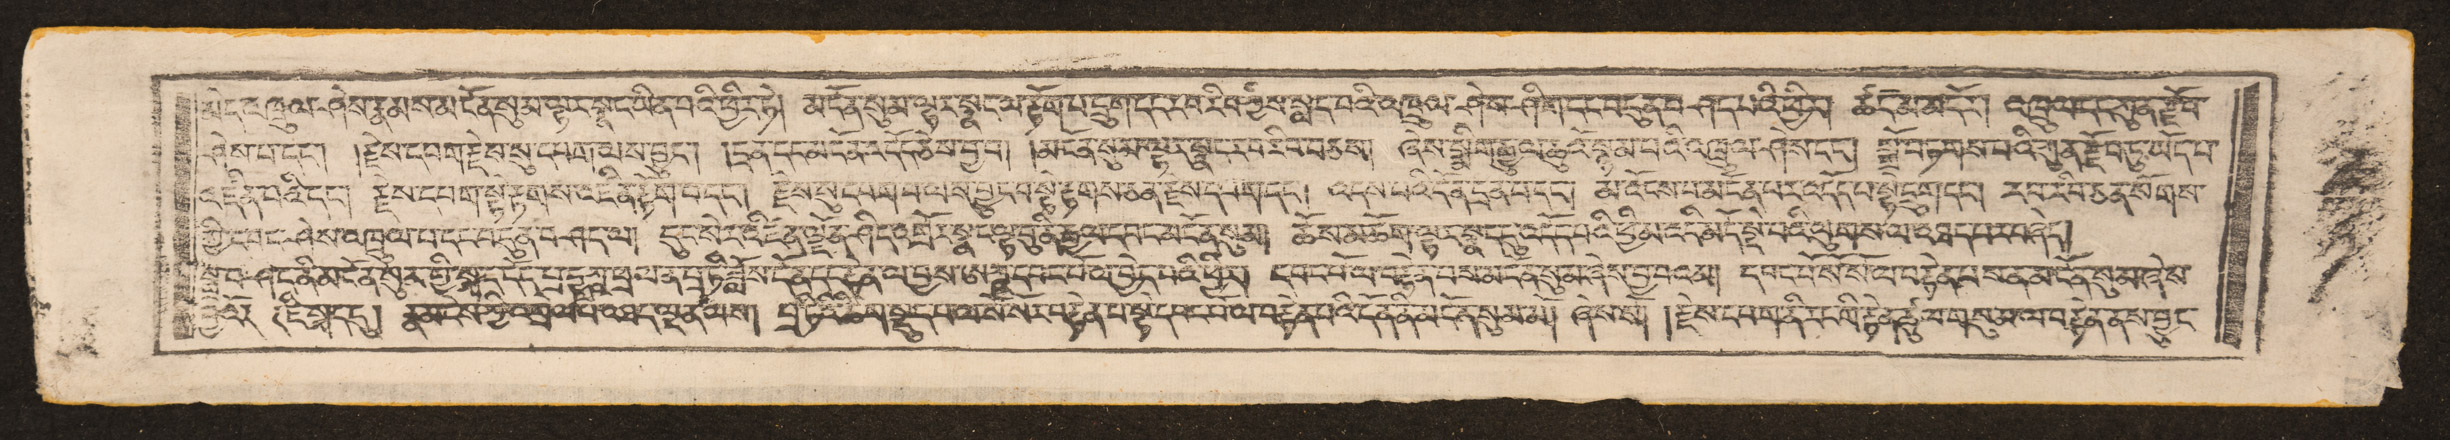མེད་འཁྲུལ་ཤེས་རྣམས་མངོན་སུམ་ལྟར་སྣང་ཡིན་པའི་ཕྱིར་ཏེ། མངོན་སུམ་ལྟར་སྣང་ལ་རྟོག་པ་དྲུག་དང་རབ་རིབ་ཀྱིས་སླད་པའི་འཁྲུལ་ཤེས་ཤིག་དང་བདུན་བཤད་པའི་ཕྱིར། ཚད་མ་མདོར། འཁྲུལ་དང་ཀུན་རྫོབ་
ཤེས་པ་དང་། །རྗེས་དཔག་རྗེས་སུ་དཔག་ལས་བྱུང་། །དྲན་དང་མངོན་འདོད་ཅེས་བྱ་བ། །མངོན་སུམ་ལྟར་སྣང་རབ་རིབ་བཅས། ཞེས་སྨིག་རྒྱུ་ལ་ཆུའོ་སྙམ་པའི་འཁྲུལ་ཤེས་དང་། སྒྲོ་བཏགས་པའི་ཀུན་རྫོབ་ཏུ་ཡོད་པ་
འཛིན་པའི་དང་། རྗེས་དཔག་སྟེ་རྟགས་འཛིན་རྟོག་པ་དང་། རྗེས་སུ་དཔག་པ་ལས་བྱུང་བ་སྟེ་རྟགས་ཅན་རྗེས་དཔག་དང་། འདས་པའི་དོན་དྲན་པ་དང་། མ་འོངས་པ་མངོན་པར་འདོད་པ་སྟེ་དྲུག་དང་། རབ་རིབ་ཅན་སོགས་
ཀྱི་དབང་ཤེས་འཁྲུལ་པ་དང་བདུན་བཤད་ལ། དུང་སེར་འཛིན་ལྗོན་ཤིང་འགྲོར་སྣང་ལྟ་བུ་ནི་རྒྱལ་དབང་མངོན་སུམ། ཆོས་མཆོག་ལྟར་སྣད་དུ་འདོད་པའི་ཕྱི་མ་འདི་མདོ་སྡེ་པའི་ལུགས་ལ་འཐད་པར་བཞེད།
སྒྲ་བཤད་ནི་མངོན་སུམ་གྱི་སྐད་དོང་པྲདྱཀྟ་ཕྲ་ལན་པྲ་ཏི་ཟློས་དོན་དང་རྟེན་ལ་བྱས་ཨཀྵ་དབང་པོ་ལ་བྱེད་པའི་ཕྱིར། དབང་པོ་ལ་བརྟེན་པས་མངོན་སུམ་ཞེས་བྱ་བའམ་།དབང་པོ་སོ་སོ་ལ་བརྟེན་པས་ནས་དོན་སུམ་ཞེས་
བྱའོ༑ ༑ཇི་སྐད་དུ། རྣམ་ངེས་ཀྱི་འགྲེལ་པི་འཐད་ལྡན་ལས། པྲ་ཏིའི་ཆིག་སྡུད་པ་ལ་སོ་སོར་བརྟེན་པ་སྟེ་དབང་པོ་ལ་བརྟེན་པའི་དོན་ནི་མངོན་སུམ་མོ། ཞེས་སོ། །རྗེས་དཔག་ནི་རང་གི་རྟེན་ཚུལ་གསུམ་ལ་བརྟེན་ནས་བྱུང་